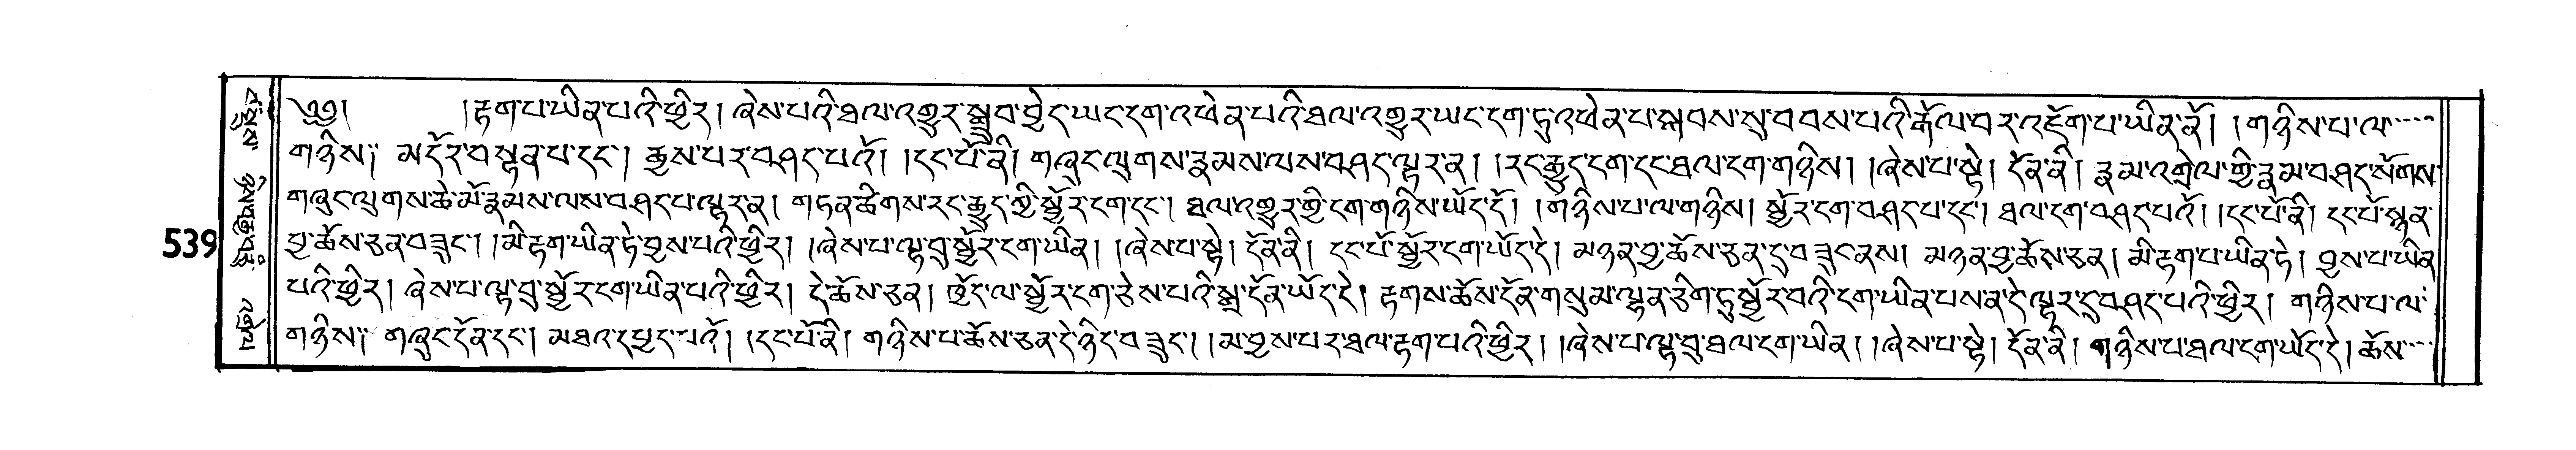༄༅། །རྟག་པ་ཡིན་པའི་ཕྱིར། ཞེས་པའི་ཐལ་འགྱུར་སྒྲུབ་བྱེད་ཡང་དག་འཕེན་པའི་ཐལ་འགྱུར་ཡང་དག་ཏུ་འཕེན་པ་སྐབས་སུ་བབས་པའི་རྒོལ་བར་འཇོག་པ་ཡིན་ནོ། །གཉིས་པ་ལ་
གཉིས༑ མདོར་བསྟན་པ་དང་། རྒྱས་པར་བཤད་པའོ། །དང་པོ་ནི། གཞུང་ལུགས་རྣམས་ལས་བཤད་ལྟར་ན། །རང་རྒྱུད་ངག་དང་ཐལ་ངག་གཉིས། །ཞེས་པ་སྟེ། དོན་ནི། རྣམ་འགྲེལ་གྱི་རྣམ་བཤད་སོགས་
གཞུང་ལུགས་ཆེ་མོ་རྣམས་ལས་བཤད་པ་ལྟར་ན། གཏན་ཚིགས་རང་རྒྱུད་ཀྱི་སྦྱོར་དག་དང་། ཐལ་འགྱུར་གྱི་དག་གཉིས་ཡོད་དོ། །གཉིས་པ་ལ་གཉིས། སྦྱོར་དག་བཤད་པ་དང་། ཐལ་དག་བཤད་པའོ། །དང་པོ་ནི། དང་པོ་སྙན་
བྱ་ཆོས་ཅན་བཟུང་། །མི་རྟག་ཡིན་ཏེ་བྱས་པའི་ཕྱིར། །ཞེས་པ་ལྟ་བུ་སྦྱོར་ངག་ཡིན། །ཞེས་པ་སྟེ། དོན་ནི། དང་པོ་སྦྱོར་ངག་ཡོད་དེ། མཉན་བྱ་ཆོས་ཅན་དུ་བཟུང་ནས། མཉན་བྱ་ཆོས་ཅན། མི་རྟག་པ་ཡིན་ཏེ། བྱས་པ་ཡིན་
པའི་ཕྱིར། ཞེས་པ་ལྟ་བུ་སྦྱོར་ངག་ཡིན་པའི་ཕྱིར། དེ་ཆོས་ཅན། ཁྱོད་ལ་སྦྱོར་ངག་ཅེས་པའི་སྒྲ་དོན་ཡོད་དེ། རྟགས་ཆོས་དོན་གསུམ་ལྷན་ཅིག་ཏུ་སྦྱོར་བའི་ངག་ཡིན་པས་ན་དེ་ལྟར་དུ་བཤད་པའི་ཕྱིར། གཉིས་པ་ལ་
གཉིས༑ གཞུང་དོན་དང་། མཐའ་དཔྱད་པའོ། །དང་པོ་ནི། གཉིས་པ་ཆོས་ཅན་དེ་ཉིད་བཟུང་། །མ་བྱས་པར་ཐལ་རྟག་པའི་ཕྱིར། །ཞེས་པ་ལྟ་བུ་ཐལ་ངག་ཡིན། །ཞེས་པ་སྟེ། དོན་ནི། གཉིས་པ་ཐལ་ངག་ཡོད་དེ། ཆོས་